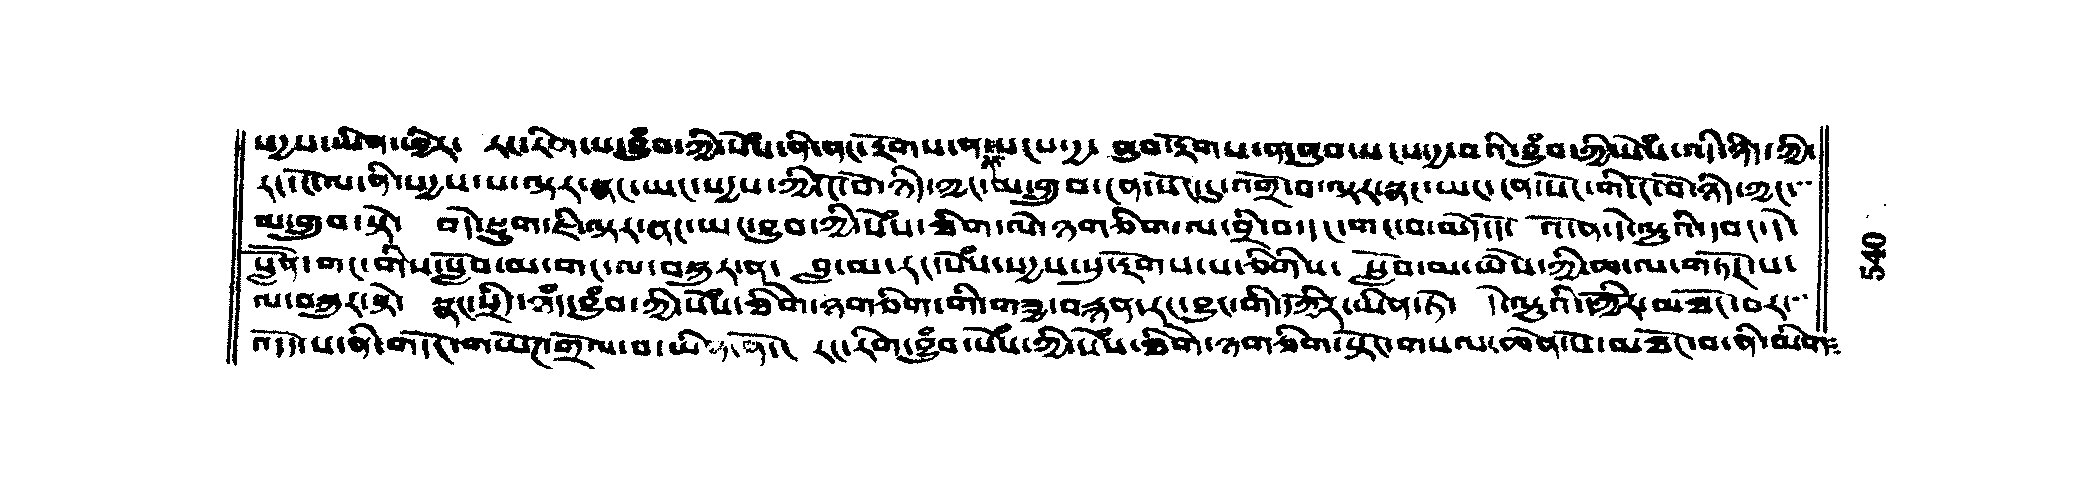སངས་རྒྱས་ཡིན་ཕྱིར། རང་རིག་པ་བྱང་ཆུབ་ཀྱི་སེམས་ནི་ནང་རྟོགས་ན་ནང་སངས་རྒྱ། ནུབ་རྟོགས་ན་ནུབ་སངས་རྒྱ་བའི་བྱང་ཆུབ་ཀྱི་སེམས་འདི་ཉིད་ཀྱི་
རང་ངོ་ལ་ནི་སངས་རྒྱས་པ་ལྟར་སྣང་ཡང་སངས་རྒྱས་ཀྱི་ངོ་བོ་ཉིད་ཀྱང་
མ་གྲུབ་སྟེ། བདེ་སྡུག་ཇི་ལྟར་སྣང་ཡང་བྱང་ཆུབ་ཀྱི་སེམས་ཐིག་ལེ་ཉག་གཅིག་ལ་བྲི་བ་དང་གང་བ་མེད་དོ།འོ་ན་དེ་ལྟ་བུའི་དབང་དེ་
སློབ་དཔོན་གང་གིས་སློབ་མ་གང་ལ་བསྐུར་ན། བླ་མ་རང་སེམས་སངས་རྒྱས་སུ་རྟོགས་པ་གཅིག་གིས་སློབ་མ་ཡེ་ཤེས་ཀྱི་ཆ་ལ་གཏོགས་པ་
ལ་བསྐུར་ཏེ། སྣང་སྲིད་ཐམས་ཅད་བྱང་ཆུབ་ཀྱི་སེམས་ཐིག་ལེ་ཉག་གཅིག་གི་གཟུགས་བརྙན་རང་བྱུང་གི་དཀྱིལ་འཁོར་ཡིན་ཏེ། དེ་ལྟ་བུའི་དཀྱིལ་འཁོར་མཐོང་བར་
འདོད་པ་ནི་གདོང་གཡོགས་གྲོལ་བ་ཡིན་ནོ། རང་རིག་བྱང་ཆུབ་སེམས་ཀྱི་སེམས་ཐིག་ལེ་ཉག་གཅིག་སྟོང་གསལ་ཆེན་པོ་མཐོང་བ་ནི་མིག་